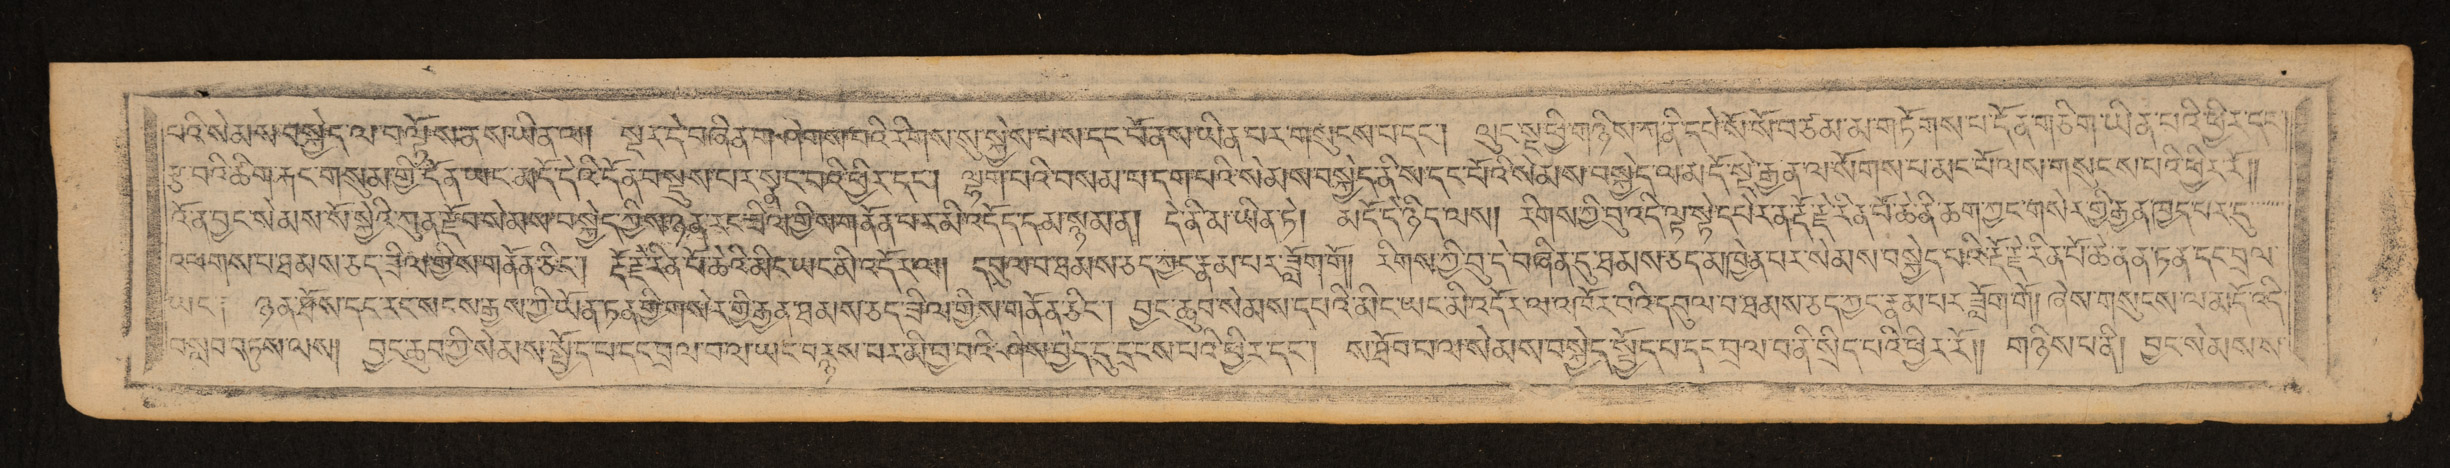པའི་སེམས་བསྐྱེད་ལ་བལྟོས་ནས་ཡིན་ལ། སྔར་དེ་བཞིན་གཤེགས་པའི་རིགས་སུ་སྐྱེས་པ་ས་དང་པོ་ནས་ཡིན་པར་གསུངས་པ་དང་། ལུང་སྔ་ཕྱི་གཉིས་ཀ་ནི་དཔེ་སོ་སོ་བ་ཙམ་མ་གཏོགས་པ་དོན་གཅིག་ཡིན་པའི་ཕྱིར་དང་།
རྩ་བའི་ཚིག་རྐང་གསུམ་གྱི་དོན་ཡང་མདོ་དེའི་དོན་བསྡུས་པར་སྣང་བའི་ཕྱིར་དང་། ལྷག་པའི་བསམ་པ་དག་པའི་སེམས་བསྐྱེད་ནི་ས་དང་པོའི་སེམས་བསྐྱེད་ལ་མདོ་སྡེ་རྒྱན་ལ་སོགས་པ་མང་པོ་ལས་གསུངས་པའི་ཕྱིར་རོ།།
འོ་ན་བྱང་སེམས་སོ་སྐྱེའི་ཀུན་རྫོབ་སེམས་བསྐྱེད་ཀྱིས་ཉན་རང་ཟིལ་གྱིས་གནོན་པར་མི་འདོད་དམ་སྙམ་ན། དེ་ནི་མ་ཡིན་ཏེ། མདོ་དེ་ཉིད་ལས། རིགས་ཀྱི་བུ་འདི་ལྟ་སྟེ་དཔེར་ན་རྡོ་རྗེ་རིན་པོ་ཆེ་ནི་ཆག་ཀྱང་གསེར་གྱི་རྒྱན་ཁྱད་པར་དུ་
འཕགས་པ་ཐམས་ཅད་ཟིལ་གྱིས་གནོན་ཅིང་། རྡོ་རྗེ་རིན་པོ་ཆེའི་མིང་ཡང་མི་འདོར་ལ། དབུལ་བ་ཐམས་ཅད་ཀྱང་རྣམ་པར་ཟློག་གོ། རིགས་ཀྱི་བུ་དེ་བཞིན་དུ་ཐམས་ཅད་མཁྱེན་པར་སེམས་བསྐྱེད་པའི་རྡོ་རྗེ་རིན་པོ་ཆེ་ནན་ཏན་དང་བྲལ་
ཡང་། ཉན་ཐོས་དང་རང་སངས་རྒྱས་ཀྱི་ཡོན་ཏན་གྱི་གསེར་གྱི་རྒྱན་ཐམས་ཅད་ཟིལ་གྱིས་གནོན་ཅིང་། བྱང་ཆུབ་སེམས་དཔའི་མིང་ཡང་མི་འདོར་ལ་འཁོར་བའི་དབུལ་བ་ཐམས་ཅད་ཀྱང་རྣམ་པར་ཟློག་གོ། ཞེས་གསུངས་ལ་མདོ་འདི་
བསླབ་བཏུས་ལས། བྱང་ཆུབ་ཀྱི་སེམས་སྤྱོད་པ་དང་བྲལ་བ་ལ་ཡང་བརྙས་པར་མི་བྱ་བའི་ཤེས་བྱེད་དུ་དྲངས་པའི་ཕྱིར་དང་། ས་ཐོབ་པ་ལ་སེམས་བསྐྱེད་སྤྱོད་པ་དང་བྲལ་བ་ནི་སྲིད་པའི་ཕྱིར་རོ།། གཉིས་པ་ནི། བྱང་སེམས་ས་